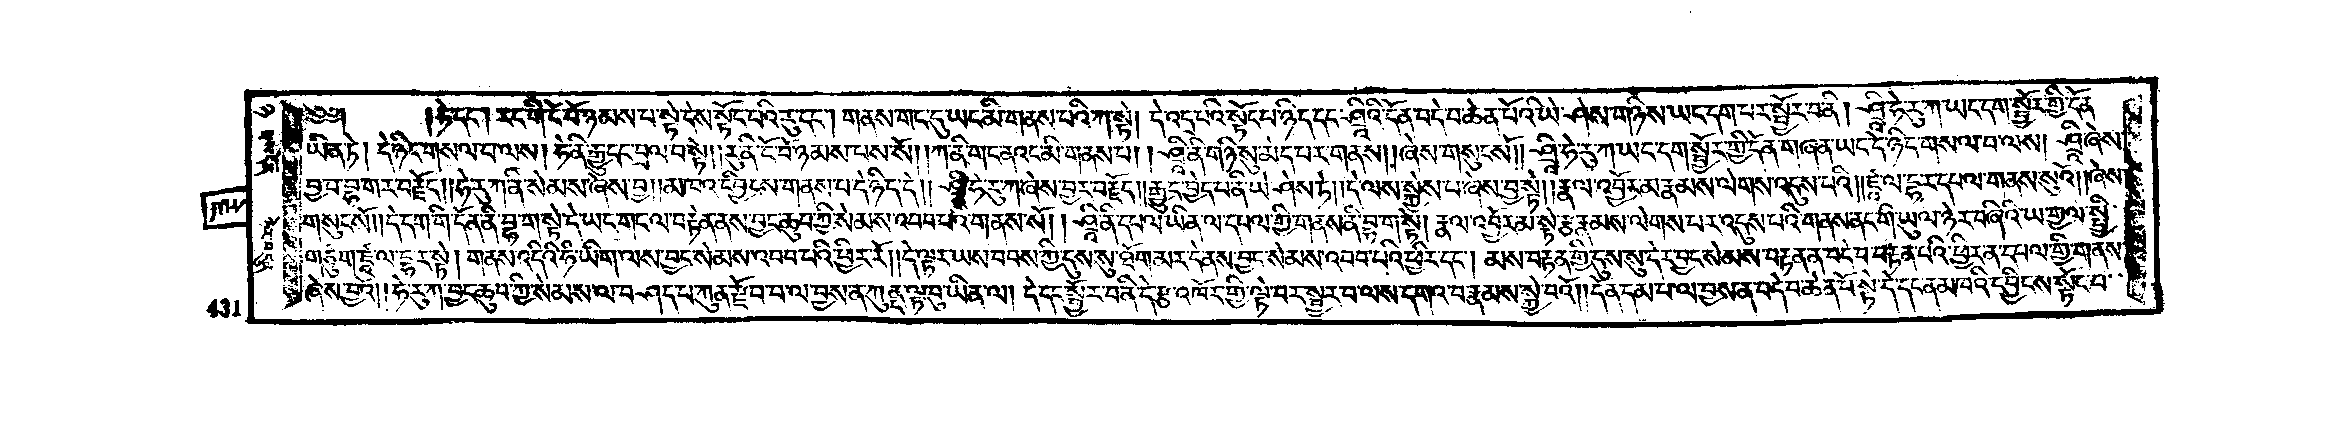༄༅། །ཧེ་དང་། རང་གི་ངོ་བོ་ཉམས་པ་སྟེ་དེས་སྟོང་པའི་རུ་དང་། གནས་གང་དུ་ཡང་མི་གནས་པའི་ཀ་སྟེ། དེ་འདྲ་བའི་སྟོང་པ་ཉིད་དང་ཤྲཱིའི་དོན་བདེ་བ་ཆེན་པོའི་ཡེ་ཤེས་གཉིས་ཡང་དག་པར་སྦྱོར་བ་ནི། ཤྲཱི་ཧེ་རུ་ཀ་ཡང་དག་སྦྱོར་གྱི་དོན་
ཡིན་ཏེ། དེ་ཉིད་གསལ་བ་ལས། ཧེ་ནི་རྒྱུ་དང་བྲལ་བ་སྟེ། །རུ་ནི་ངོ་བོ་ཉམས་པས་སོ། །ཀ་ནི་གང་ནའང་མི་གནས་པ། །ཤྲཱི་ནི་གཉིས་སུ་མེད་པར་གནས། །ཞེས་གསུངས་སོ། །ཤྲཱི་ཧེ་རུ་ཀ་ཡང་དག་སྦྱོར་གྱི་དོན་གཞན་ཡང་དེ་ཉིད་གསལ་བ་ལས། ཤྲཱི་ཞེས་
བྱ་བ་བྷ་གར་བརྗོད། །ཧེ་རུ་ཀ་ནི་སེམས་ཞེས་བྱ། །མཁའ་དབྱིངས་གནས་པ་དེ་ཉིད་དེ། །ཤྲཱི་ཧེ་རུ་ཀ་ཞེས་བྱར་བརྗོད། །རྒྱུད་བྱེད་པ་ནི་ཡེ་ཤེས་ཏེ། །དེ་ལས་སྐྱེས་པ་ཞེས་བྱ་སྟེ། །རྣལ་འབྱོར་མ་རྣམས་ལེགས་འདུས་པའི། །ཛཱ་ལ་དྷ་ར་དཔལ་གནས་སུའོ། །ཞེས་
གསུངས་སོ། །དེ་དག་གི་དོན་ནི་བྷ་ག་སྟེ་དེ་ཡང་གང་ལ་བརྟེན་ནས་བྱང་ཆུབ་ཀྱི་སེམས་འབབ་པའི་གནས་སོ། །ཤྲཱི་ནི་དཔལ་ཡིན་ལ་དཔལ་གྱི་གནས་ནི་བྷ་ག་སྟེ། རྣལ་འབྱོར་མ་སྟེ་རྩ་རྣམས་ལེགས་པར་འདུས་པའི་གནས་ནང་གི་ཡུལ་ཉེར་བཞིའི་ཡ་གྱལ་སྤྱི་
གཙུག་ཛཱ་ལ་དྷ་ར་སྟེ། གནས་འདིའི་ཧཾ་ཡིག་ལས་བྱང་སེམས་འབབ་པའི་ཕྱིར་རོ། །དེ་ལྟར་ཡས་བབས་ཀྱི་དུས་སུ་ཐོག་མར་དེ་ནས་བྱང་སེམས་འབབ་པའི་ཕྱིར་དང་། མས་བརྟན་གྱི་དུས་སུ་དེར་བྱང་སེམས་བརྟན་ན་བདེ་བ་བརྟན་པའི་ཕྱིར་ན་དཔལ་གྱི་གནས་
ཞེས་བྱའོ། །ཧེ་རུ་ཀ་བྱང་ཆུབ་ཀྱི་སེམས་ལ་བཤད་པ་ཀུན་རྫོབ་བ་ལ་བྱས་ན་ཀུནྡ་ལྟ་བུ་ཡིན་ལ། དེ་དང་སྦྱོར་བ་ནི་དེ་རྩ་འཁོར་གྱི་ལྟེ་བར་སྦྱར་བ་ལས་དགའ་བ་རྣམས་སྐྱེ་བའོ། །དོན་དམ་པ་ལ་བྱས་ན་བདེ་བ་ཆེན་པོ་སྟེ་དེ་དང་ནམ་མཁའི་དབྱིངས་སྟོང་བ་